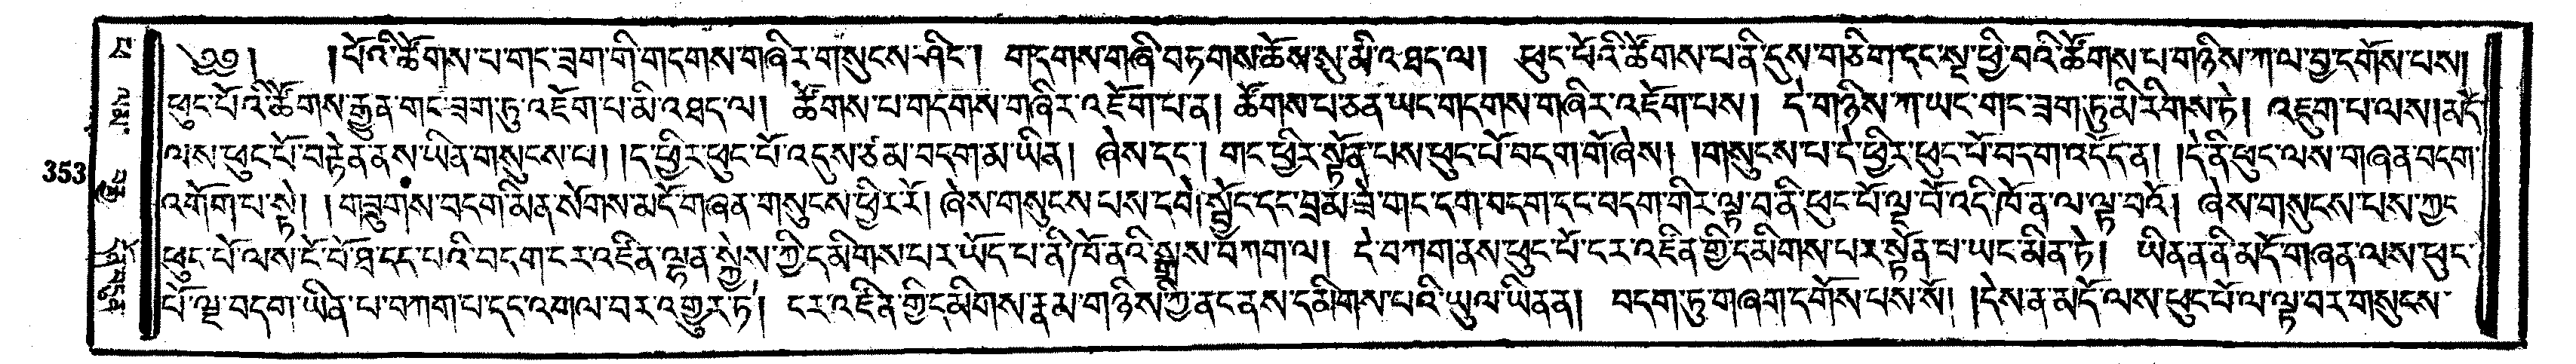༄༅། །པོའི་ཚོགས་པ་གང་ཟག་གི་གདགས་གཞིར་གསུངས་ཤིང་། གདགས་གཞི་བཏགས་ཆོས་སུ་མི་འཐད་ལ། ཕུང་པོའི་ཚོགས་པ་ནི་དུས་གཅིག་དང་སྔ་ཕྱི་བའི་ཚོགས་པ་གཉིས་ཀ་ལ་བྱ་དགོས་པས།
ཕུང་པོའི་ཚོགས་རྒྱུན་གང་ཟག་ཏུ་འཇོག་པ་མི་འཐད་ལ། ཚོགས་པ་གདགས་གཞིར་འཇོག་པ་ན། ཚོགས་པ་ཅན་ཡང་གདགས་གཞིར་འཇོག་པས། དེ་གཉིས་ཀ་ཡང་གང་ཟག་ཏུ་མི་རིགས་ཏེ། འཇུག་པ་ལས། མདོ་
ལས་ཕུང་པོ་བརྟེན་ནས་ཡིན་གསུངས་པ། །ད་ཕྱིར་ཕུང་པོ་འདུས་ཙམ་བདག་མ་ཡིན། ཞེས་དང་། གང་ཕྱིར་སྟོན་པས་ཕུང་པོ་བདག་གོ་ཞེས། །གསུངས་པ་དེ་ཕྱིར་ཕུང་པོ་བདག་འདོད་ན། །དེ་ནི་ཕུང་ལས་གཞན་བདག་
འགོག་པ་སྟེ། །གཟུགས་བདག་མིན་སོགས་མདོ་གཞན་གསུངས་ཕྱིར་རོ། ཞེས་གསུངས་པས་དགེ་སྦྱོང་དང་བྲམ་ཟེ་གང་དག་བདག་དང་བདག་གིར་ལྟ་བ་ནི་ཕུང་པོ་ལྔ་བོ་འདི་ཁོ་ན་ལ་ལྟ་བའོ། ཞེས་གསུངས་པས་ཀྱང་
ཕུང་པོ་ལས་ངོ་བོ་ཐ་དད་པའི་བདག་ངར་འཛིན་ལྷན་སྐྱེས་ཀྱི་དམིགས་པར་ཡོད་པ་ནི་ཁོ་ནའི་སྒྲས་བཀག་ལ། དེ་བཀག་ནས་ཕུང་པོ་ངར་འཛིན་གྱི་དམིགས་པར་སྟོན་པ་ཡང་མིན་ཏེ། ཡིན་ན་ནི་མདོ་གཞན་ལས་ཕུང་
པོ་ལྔ་བདག་ཡིན་པ་བཀག་པ་དང་འགལ་བར་འགྱུར་ཏེ། ངར་འཛིན་གྱི་དམིགས་རྣམ་གཉིས་ཀྱི་ནང་ནས་དམིགས་པའི་ཡུལ་ཡིན་ན། བདག་ཏུ་གཞག་དགོས་པས་སོ། །དེས་ན་མདོ་ལས་ཕུང་པོ་ལ་ལྟ་བར་གསུངས་